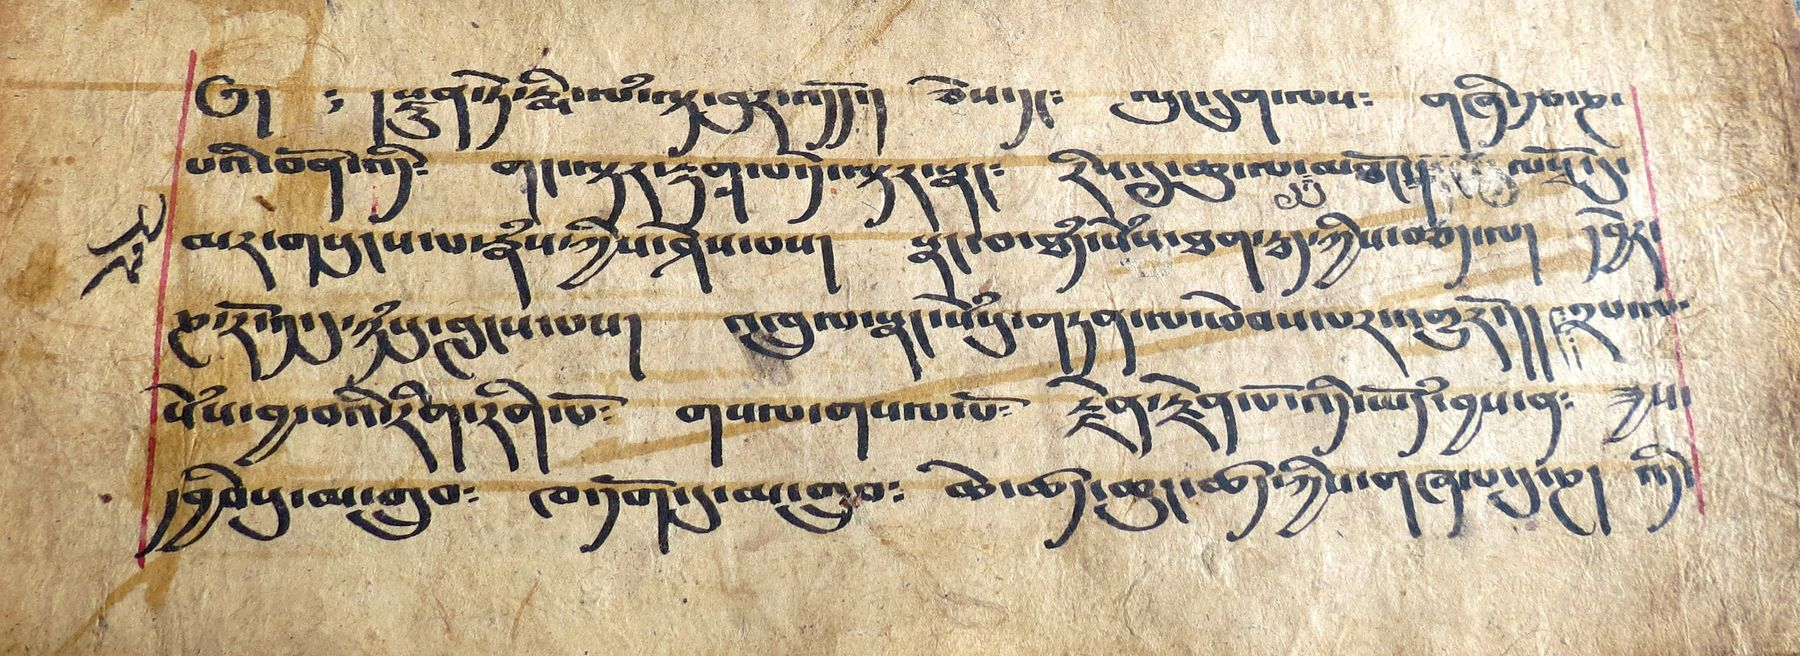རྫུན་སྟེ་རྨི་ལམ་ལྟ་བུར་འདོད། ཅེས་དང་། ལུང་དྲུག་ལས། གཞི་རྩ་མེད་
པའི་བོན་འདི་ལ། གང་ལྟར་བརྟགས་པ་དེ་ལྟར་སྣང་། རིགས་དྲུག་ཆུ་ལ་དྲུག་ཏུ་མཐོང་། ལ་སོགས་དུ་
མ་གསུངས་པ་རྣམས་ཀྱིས་ཤེས་པས། སྣང་བ་ཐམས་ཅད་སེམས་སུ་ཐག་རྦད་ཀྱིས་བཅད་ལ་དབྱེར་
མེད་རོ་གཅིག་ཏུ་ཉམས་སུ་བླངས་པས། འཁྲུལ་སྣང་སེམས་སུ་གཏན་ལ་ཕེབས་པར་འགྱུར་རོ། ། གཉིས་པ་ལ་
སེམས་བྱ་བའི་རིག་རིག་པོ་གསལ་གསལ་པོ་རྗེན་རྗེན་པོ་དོད་དོད་པོ་འདི་ཡང་ཡོད་དམ་བྱས་ན་གཟུགས་
དབྱིབས་སུ་མ་གྲུབ། ཁ་དོག་ཏུ་མ་གྲུབ། ཆེ་ཚད་ཆུང་ཚད་ཀྱིས་གཞལ་དུ་མེད། འདི་